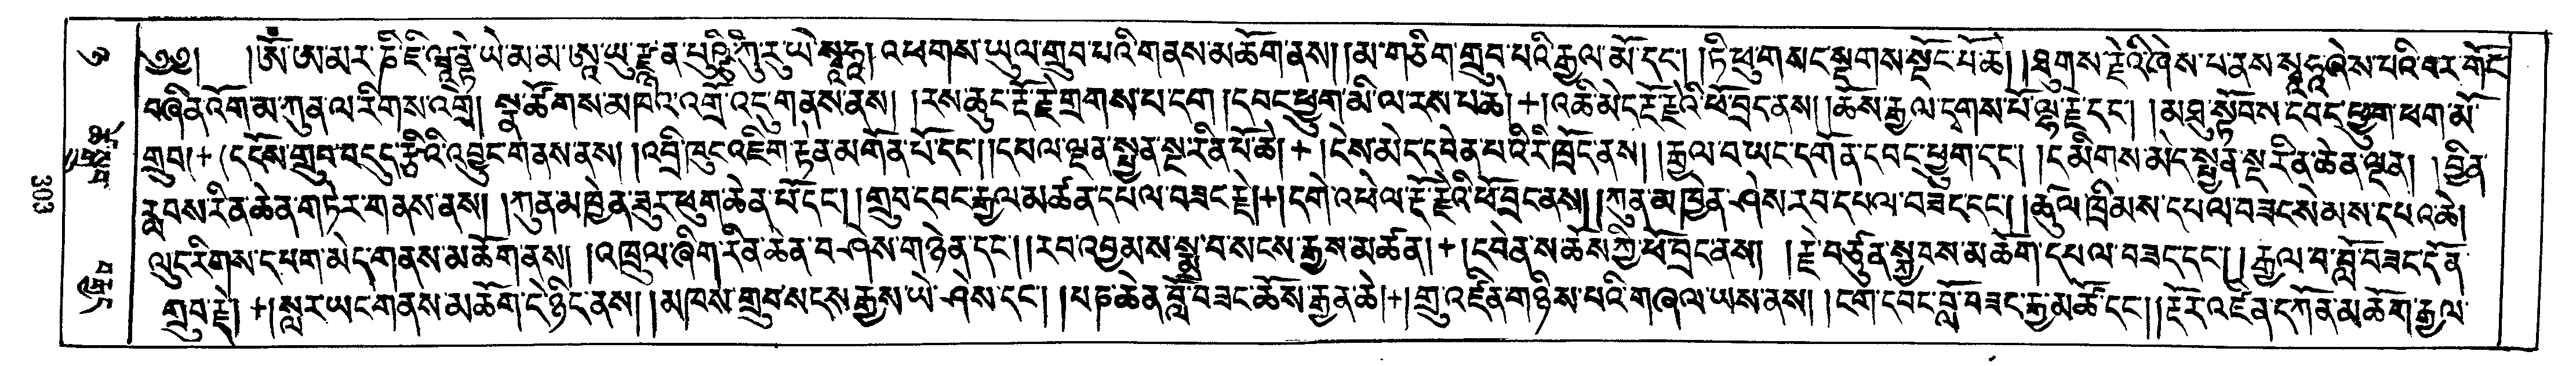༄༅། །ཨོཾ་ཨ་མར་ཎི་ཛི་ཝཱནྟེ་ཡེ་མ་མ་ཨཱ་ཡུརྫྙཱ་ན་པུཥྚིཾ་ཀུ་རུ་ཡེ་སྭཱཧཱ། འཕགས་ཡུལ་གྲུབ་པའི་གནས་མཆོག་ནས། །མ་གཅིག་གྲུབ་པའི་རྒྱལ་མོ་དང་། །ཏི་ཕུ་གསང་སྔགས་སྡོང་པོ་ཆེ། །ཐུགས་རྗེའི་ཞེས་པ་ནས་སྭཱཧཱ་ཞེས་པའི་བར་གོང་
བཞིན་འོག་མ་ཀུན་ལ་རིགས་འགྲོ། སྣ་ཚོགས་མཁའ་འགྲོ་འདུ་གནས་ནས། །རས་ཆུང་རྡོ་རྗེ་གྲགས་པ་དང་། །དབང་ཕྱུག་མི་ལ་རས་པ་ཆེ། །འཆི་མེད་རྡོ་རྗེའི་ཕོ་བྲང་ནས། །ཆོས་རྒྱལ་དྭགས་པོ་ལྷ་རྗེ་དང་། །མཐུ་སྟོབས་དབང་ཕྱུག་ཕག་མོ་
གྲུབ༑ ༑དངོས་གྲུབ་བདུད་རྩིའི་འབྱུང་གནས་ནས། །འབྲི་ཁུང་འཇིག་རྟེན་མགོན་པོ་དང་། །དཔལ་ལྡན་སྤྱན་སྔ་རིན་པོ་ཆེ། །ངེས་མེད་དབེན་པའི་རི་ཁྲོད་ནས། །རྒྱལ་བ་ཡང་དགོན་དབང་ཕྱུག་དང་། །དམིགས་མེད་སྤྱན་སྔ་རིན་ཆེན་ལྡན། །བྱིན་
རླབས་རིན་ཆེན་གཏེར་གནས་ནས། །ཀུན་མཁྱེན་ཟུར་ཕུག་ཆེན་པོ་དང་། །གྲུབ་དབང་རྒྱལ་མཚན་དཔལ་བཟང་རྗེ། །དགེ་འཕེལ་རྡོ་རྗེའི་ཕོ་བྲང་ནས། །ཀུན་མཁྱེན་ཤེས་རབ་དཔལ་བཟང་དང་། །ཚུལ་ཁྲིམས་དཔལ་བཟང་སེམས་དཔའ་ཆེ། །
ལུང་རིགས་དཔག་མེད་གནས་མཆོག་ནས། །འཁྲུལ་ཞིག་རིན་ཆེན་བཤེས་གཉེན་དང་། །རབ་འབྱམས་སྨྲ་བ་སངས་རྒྱས་མཚན། །དབེན་ས་ཆོས་ཀྱི་ཕོ་བྲང་ནས། །རྗེ་བཙུན་སྐྱབས་མཆོག་དཔལ་བཟང་དང་། །རྒྱལ་བ་བློ་བཟང་དོན་
གྲུབ་རྗེ། །སླར་ཡང་གནས་མཆོག་དེ་ཉིད་ནས། །མཁས་གྲུབ་སངས་རྒྱས་ཡེ་ཤེས་དང་། །པཎ་ཆེན་བློ་བཟང་ཆོས་རྒྱན་ཆེ། །གྲུ་འཛིན་གཉིས་པའི་གཞལ་ཡས་ནས། །ངག་དབང་བློ་བཟང་རྒྱ་མཚོ་དང་། །རྡོར་འཛིན་དཀོན་མཆོག་རྒྱལ་